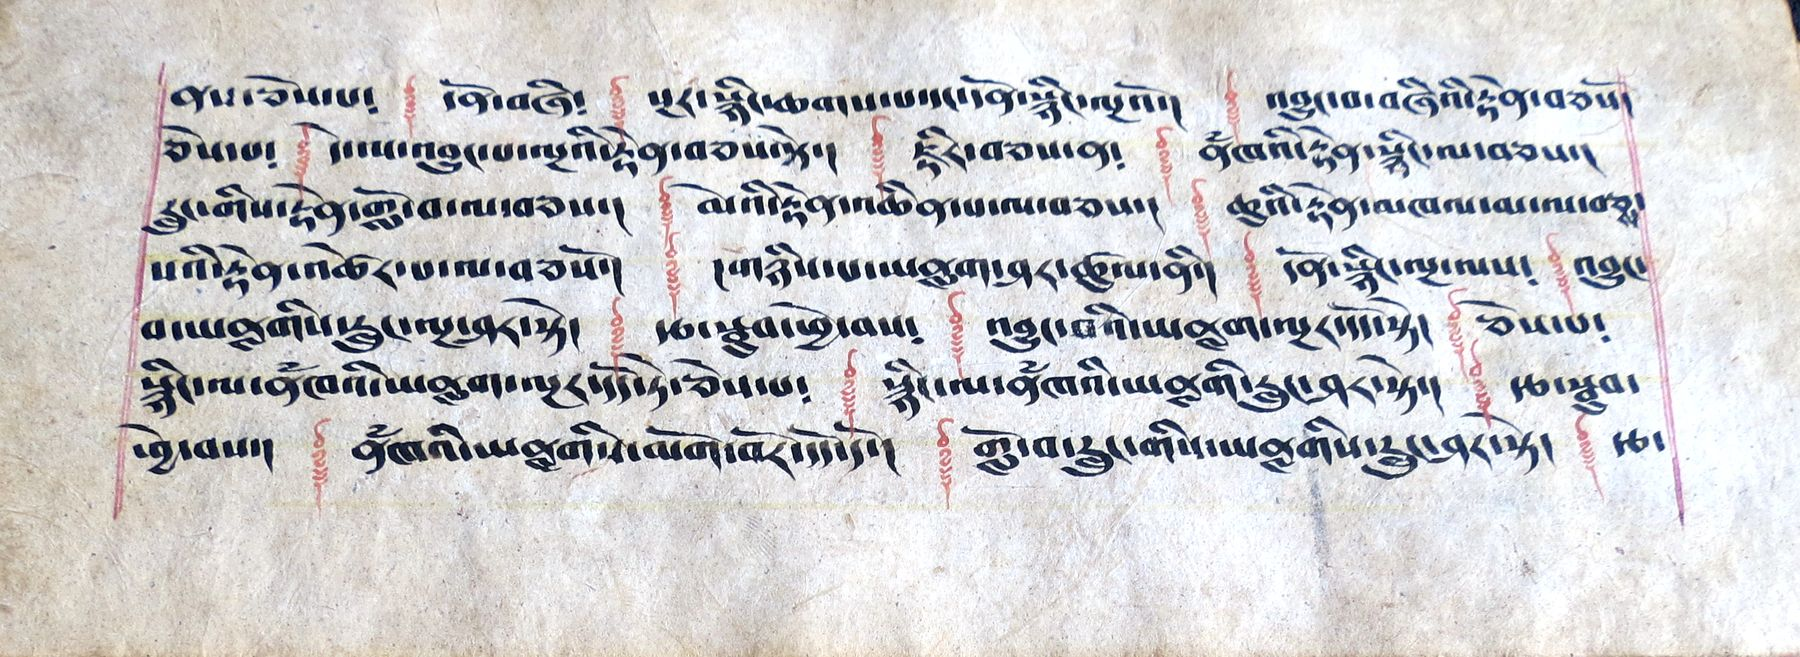ནས་ཞེས་པས། དོན་བཞིའི་སྔར་སྙིང་ཆགས་པ་དང་དོན་སྙིང་ལྔའོ། །འབྱུང་བ་བཞིའི་རྟེན་བཅས་སོ། །
ཞེས་པས་དེ་ལ་འབྱུང་བ་ལྔའི་རྟེན་བཅས་ཏེ། ཇི་ལྟར་བཅས་ན་ནམ་མཁའི་རྟེན་སྙིང་ལ་བཅས། 
རླུང་གི་རྟེན་གློ་བ་ལས་བཅས། མེ་ཡི་རྟེན་མཆིན་པ་ལ་བཅས། ཆུ་ཡི་རྟེན་མཁལ་མ་ལ་བཅས། 
ས་ཡི་རྟེན་མཚེར་པ་ལ་བཅས་སོ། །གཉིས་པ་ཡན་ལག་ཉིང་ལག་གི་ཤར་ཚུལ་ནི། དོན་སྙིང་ལྔ་ལས་འབྱུང་
བ་ཡན་ལག་གི་རླུང་ལྔར་ཤར་ཏེ། རྩ་སྦུབས་ཕྱེས་པས། འབྱུང་བའི་ཡན་ལག་ལྔར་དོད་དེ། །ཞེས་པས། 
སྙིང་ལ་ནམ་མཁའི་ཡན་ལག་ལྔར་དོད་ཏེ་ཞེས་པ། སྙིང་ལ་ནམ་མཁའི་ཡན་ལག་གི་རླུང་ཤར་ཏེ། རྩ་སྦུབས་
ཕྱེས་བས། ནམ་མཁའི་ཡན་ལག་མགོ་བོར་དོད་དེ། གློ་བ་ལ་རླུང་གི་ཡན་ལག་གི་རླུང་ཤར་ཏེ། རྩ་